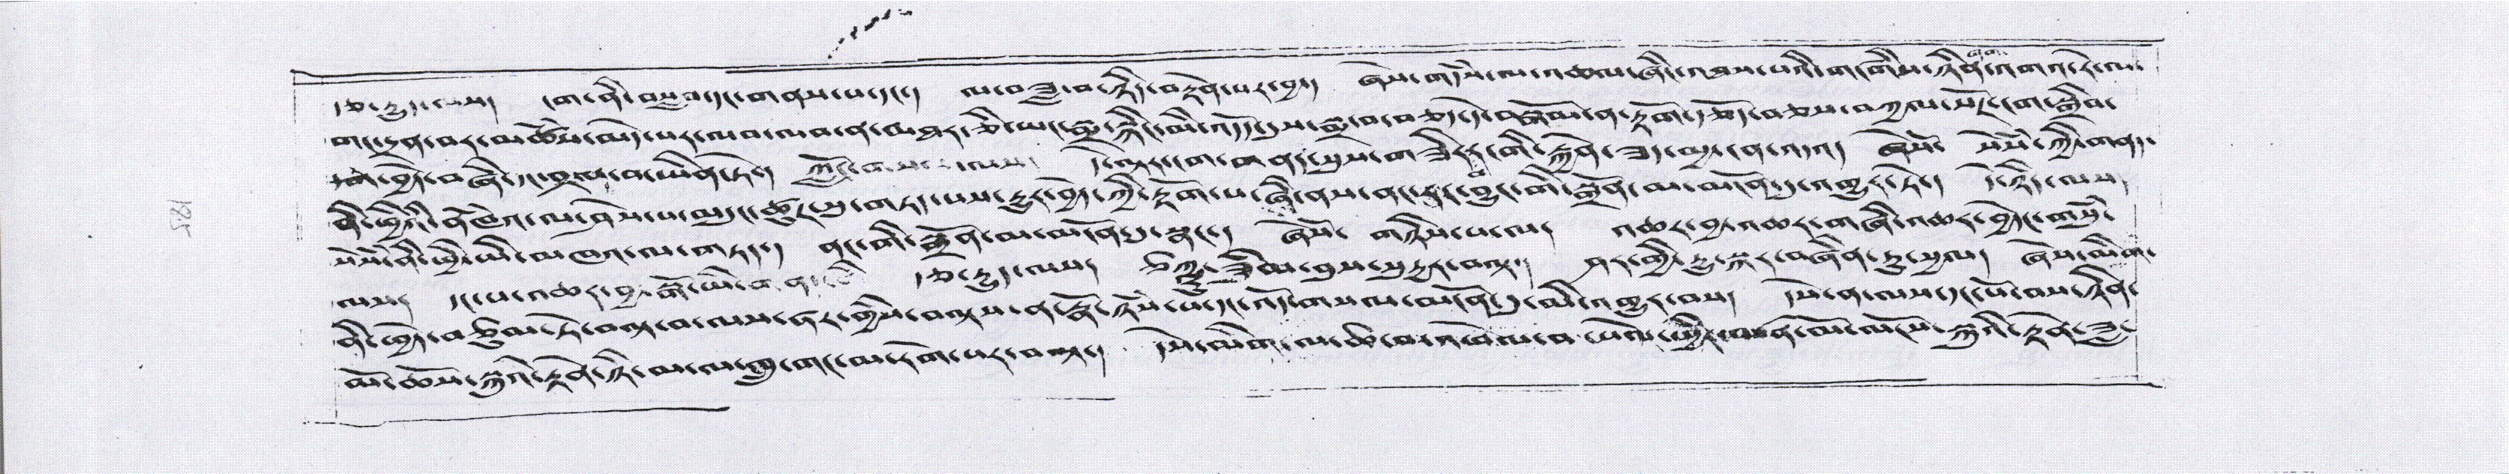རྩ་རྒྱུད་ལས། ངག་ནི་བསླབ་དང་གནས་པ་དང་། ལ་བཟླ་བ་ཉིད་བརྟེན་པར་བྱ། ཞེས་གདམས་ལ་འཆལ་ཞིང་འཐས་པའི་གང་ཟག་གིས་ཉིན་ཞག་འགའ་རེ་ལ་
གང་དྲན་བར་མཚམས་མེད་པར་ལབ་ལབ་ན་མཐར་ཅི་ཡང་སྨྲ་སྙིང་མི་འདོད་དུས་སྨྲ་བ་བཅད་དེ་བསྒོམ་ན་རྟོག་རྩོད་བཅས་བཀྱལ་སོགས་ངག་སྒྲིབ་
དག་བྱེད་བཞི་དང་བྲལ་བ་ཡིན་ཏེ། ཀློང་གསལ་ལས། དེ་ལྟར་ངག་གནད་སུས་གཟིར་གི་རྐྱེན་ཟད་མྱ་ངན་འདའ། ཞེས་སོ། སེམས་ཀྱི་གནད་
ནི། ཕྱི་ཡི་ནམ་མཁའ་ལ་ཤེས་པ་མདུང་ཚུགས་སུ་གཏད་པས་རྒྱུར་བྱེད་ཀྱི་རྟོག་པ་ཞི་ནས་ནང་ནང་རང་བྱུང་གི་སྒྲོན་མ་མངོན་དུ་འགྱུར་ཏེ། དེ་ཉིད་ལས། 
སེམས་ནི་ཕྱི་ཡི་མཁའ་ལ་གཏད། ནང་གི་སྒྲོན་མ་མངོན་དུ་སྣང་། ཞེས་སོ། གཉིས་པ་ལ། འཆར་བྱ་འཆར་གཞི་འཆར་བྱེད་དང་གསུམ་
ལས། དང་པོ་འཆར་བྱ་སྒོ་ཡི་གནད་ནི། རྩ་རྒྱུད་ལས། ཙཀྵུ་ཟིམ་བུས་སུརྱར་བལྟ། ཤར་གྱི་རྒྱུ་སྐར་བཞིན་དུ་གསལ། ཞེས་མིག་
ནི་ཕྱེད་བཙུམ་ཏེ་བལྟ་བ་ལས་ཧར་གྱིས་བལྟས་ན་རྣོ་ཉམས་པ་དང་འོད་གསལ་མངོན་དུ་མི་འགྱུར་བས། དེས་ན་ལས་དང་པོ་བས་ཉིན་
མོ་ཆོས་སྐུའི་རྟེན་ཉི་མ་ལ་ཁྲུ་གང་མ་རེག་པར་བལྟ། དེས་མིག་ལ་ཚ་བ་འཕེལ་བ་སེལ་ཕྱིར་མཚན་མོ་ལོངས་སྐུའི་རྟེན་ཟླ་